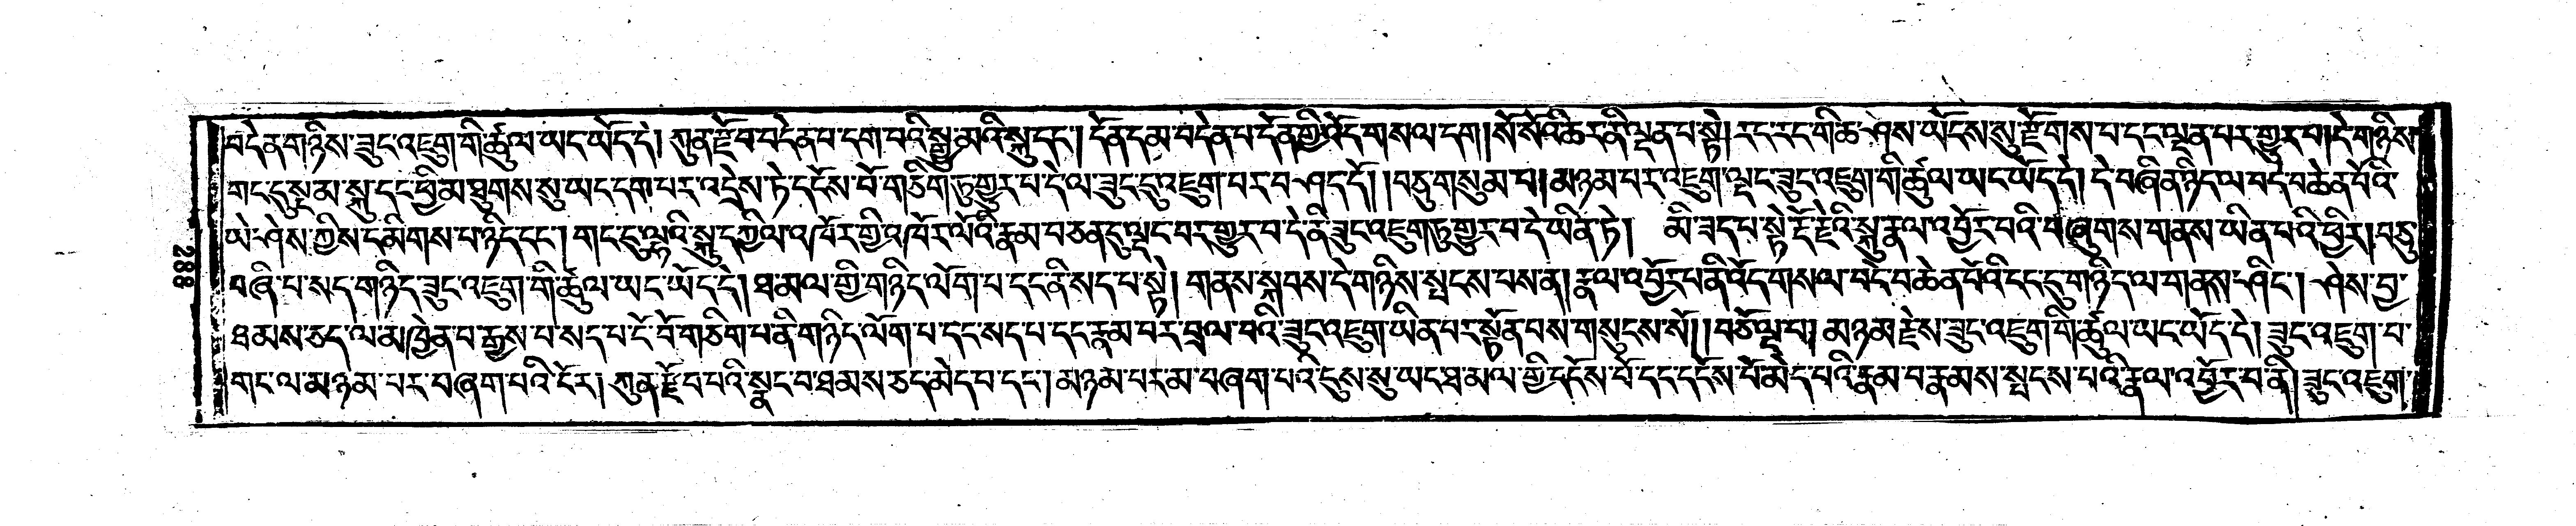བདེན་གཉིས་ཟུང་འཇུག་གི་ཚུལ་ཡང་ཡོད་དེ། ཀུན་རྫོབ་བདེན་པ་དག་པའི་སྒྱུ་མའི་སྐུ་དང་། དོན་དམ་བདེན་པ་དོན་གྱི་འོད་གསལ་དག །སོ་སོའི་ཆར་ནི་ལྡན་པ་སྟེ། རང་རང་གི་ཆ་ཤས་ཡོངས་སུ་རྫོགས་པ་དང་ལྡན་པར་གྱུར་པ། དེ་གཉིས་
གང་དུ་སྔ་མ་སྐུ་དང་ཕྱི་མ་ཐུགས་སུ་ཡང་དག་པར་འདྲེས་ཏེ་དངོས་པོ་གཅིག་ཏུ་གྱུར་པ་དེ་ལ་ཟུང་དུ་འཇུག་པར་བཤད་དོ། །བཅུ་གསུམ་པ། མཉམ་པར་འཇུག་ལྡང་ཟུང་འཇུག་གི་ཚུལ་ཡང་ཡོད་དེ། དེ་བཞིན་ཉིད་ལ་བདེ་བ་ཆེན་པོའི་
ཡེ་ཤེས་ཀྱིས་དམིགས་པ་ཉིད་དང་། གང་དུ་ལྷའི་སྐུ་དཀྱིལ་འཁོར་གྱི་འཁོར་ལོའི་རྣམ་པ་ཅན་དུ་ལྡང་བར་གྱུར་བ་དེ་ནི་ཟུང་འཇུག་ཏུ་གྱུར་པ་དེ་ཡིན་ཏེ། མི་ཟད་པ་སྟེ་རྡོ་རྗེའི་སྐུ་རྣལ་འབྱོར་པའི་བཞུགས་གནས་ཡིན་པའི་ཕྱིར། བཅུ་
བཞི་པ་སད་གཉིད་ཟུང་འཇུག་གི་ཚུལ་ཡང་ཡོད་དེ། ཐ་མལ་གྱི་གཉིད་ལོག་པ་དང་ནི་སད་པ་སྟེ། གནས་སྐབས་དེ་གཉིས་སྤངས་པས་ན། རྣལ་འབྱོར་བ་ནི་འོད་གསལ་བདེ་བ་ཆེན་པོའི་ངང་དུ་གཉིད་ལ་གནས་ཤིང་། ཤེས་བྱ་
ཐམས་ཅད་ལ་མཁྱེན་པ་རྒྱས་པ་སད་པ་ངོ་བོ་གཅིག་པ་ནི་གཉིད་ལོག་པ་དང་སད་པ་དང་རྣམ་པར་བྲལ་བའི་ཟུང་འཇུག་ཡིན་པར་སྟོན་པས་གསུངས་སོ། །བཅོ་ལྔ་པ། མཉམ་རྗེས་ཟུང་འཇུག་གི་ཚུལ་ཡང་ཡོད་དེ། ཟུང་འཇུག་པ་
གང་ལ་མཉམ་པར་བཞག་པའི་ངོར། ཀུན་རྫོབ་པའི་སྣང་བ་ཐམས་ཅད་མེད་པ་དང་། མཉམ་པར་མ་བཞག་པའི་དུས་སུ་ཡང་ཐ་མལ་གྱི་དངོས་པོ་དང་དངོས་པོ་མེད་པའི་རྣམ་པ་རྣམས་སྤངས་པའི་རྣལ་འབྱོར་པ་ནི། ཟུང་འཇུག་